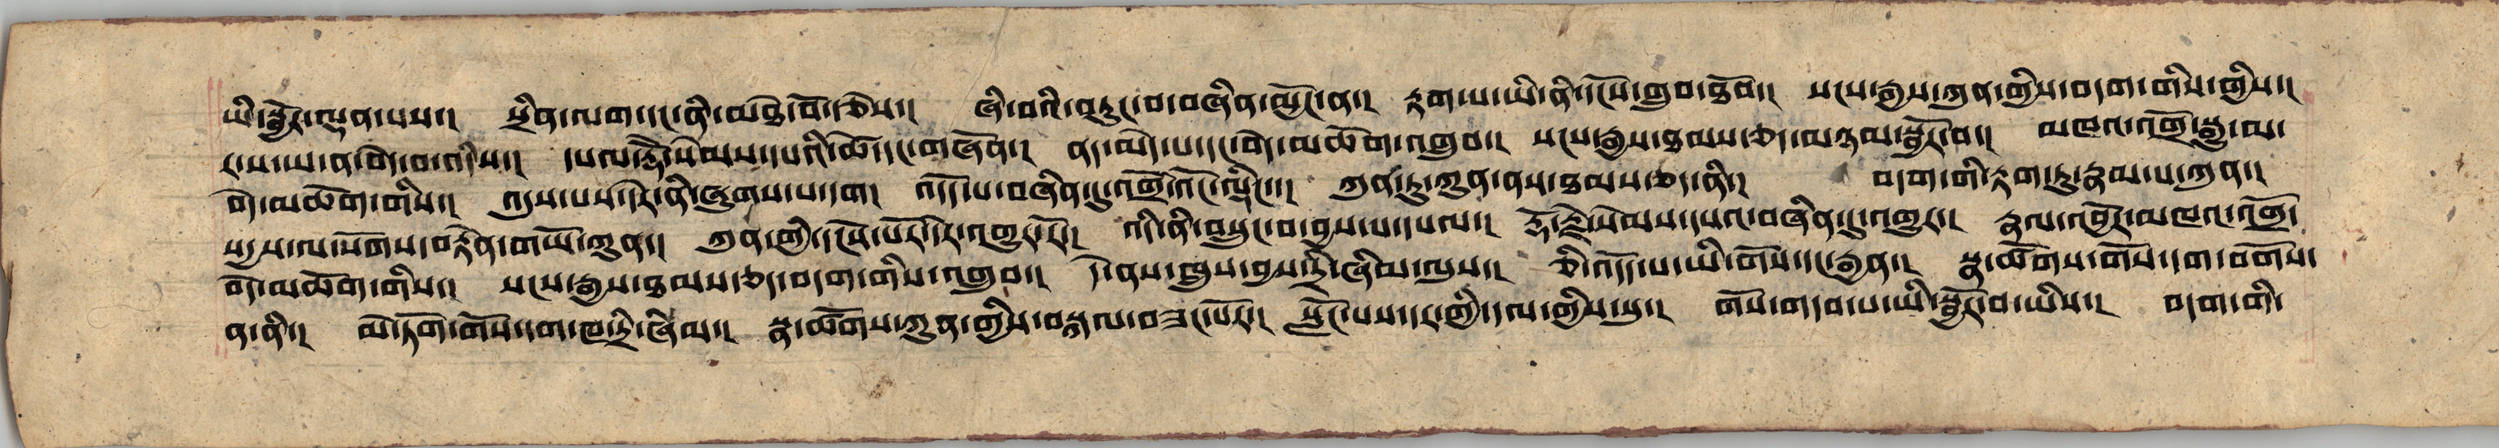ཡི་སྦྱོར་ལྡན་པས་། སྲིན་ལག་དང་ནི་མཐེ་བོ་རྩེས་། ཞི་བའི་བཏུང་བ་བཞིན་མྱོང་ན་། རྟག་པ་ཡི་ནི་དངོས་གྲུབ་ཐོབ་། སངས་རྒྱས་ཀུན་གྱིས་བདག་གིས་གྱིས་།
ར་ས་ཡ་ན་བདེ་བ་འདིས་། དཔལ་རྡོེ་སེམས་དཔའི་ཚེ་དང་གཞོན་། ནད་མེད་པ་དང་བདེ་མཆོག་འགྲུབ་། སངས་རྒྱས་ཐམས་ཅད་མཉམ་སྦྱོར་བ་། མཁའ་འགྲོ་སྒྱུ་མ་
བདེ་མཆོག་གིས་། འདུས་པས་དེར་ནི་ཞུགས་པ་དག། འདོད་པ་བཞིན་དུ་འགྲོ་འོང་ལྡིང་་། ཀུན་ཏུ་ཀུན་ནས་ཐམས་ཅད་ནི་། བདག་གི་རྟག་ཏུ་རྣམ་པ་ཀུན་།
སདྱས་ལ་སོགས་བརྟེན་གཡོ་ཀུན་། ཀུན་གྱི་དངོས་པོར་དེར་འགྱུར་རོ་། འདི་ནི་བསྲུང་བ་བྱས་པ་དཔལ་། རྡོ་རྗེ་སེམས་དཔའ་བཞིན་དུ་འགྱུར་། རྣལ་འབྱོར་མཁའ་འགྲོ་
བདེ་མཆོག་གིས་། སངས་རྒྱས་ཐམས་ཅད་བདག་གིས་འགྲུབ་། དེ་ནས་ཁྲུས་བྱས་དྲི་ཞིམ་ལུས་། ཅི་འདོད་པ་ཡི་གོས་དང་རྒྱན་། སྣ་ཚོགས་གོས་དག་བགོས་
ན་ནི་། མེ་ཏོག་གོས་དག་ཁ་དྲི་ཞིམ་། སྣ་ཚོགས་ཀུན་གྱིས་བསྐལ་བཟང་པོར་། སློང་པས་དར་གྱི་དལ་གྱིས་སུ་། གོས་གདབ་པ་ཡི་སྦྱོར་བ་ཡིས་། བདག་གི་